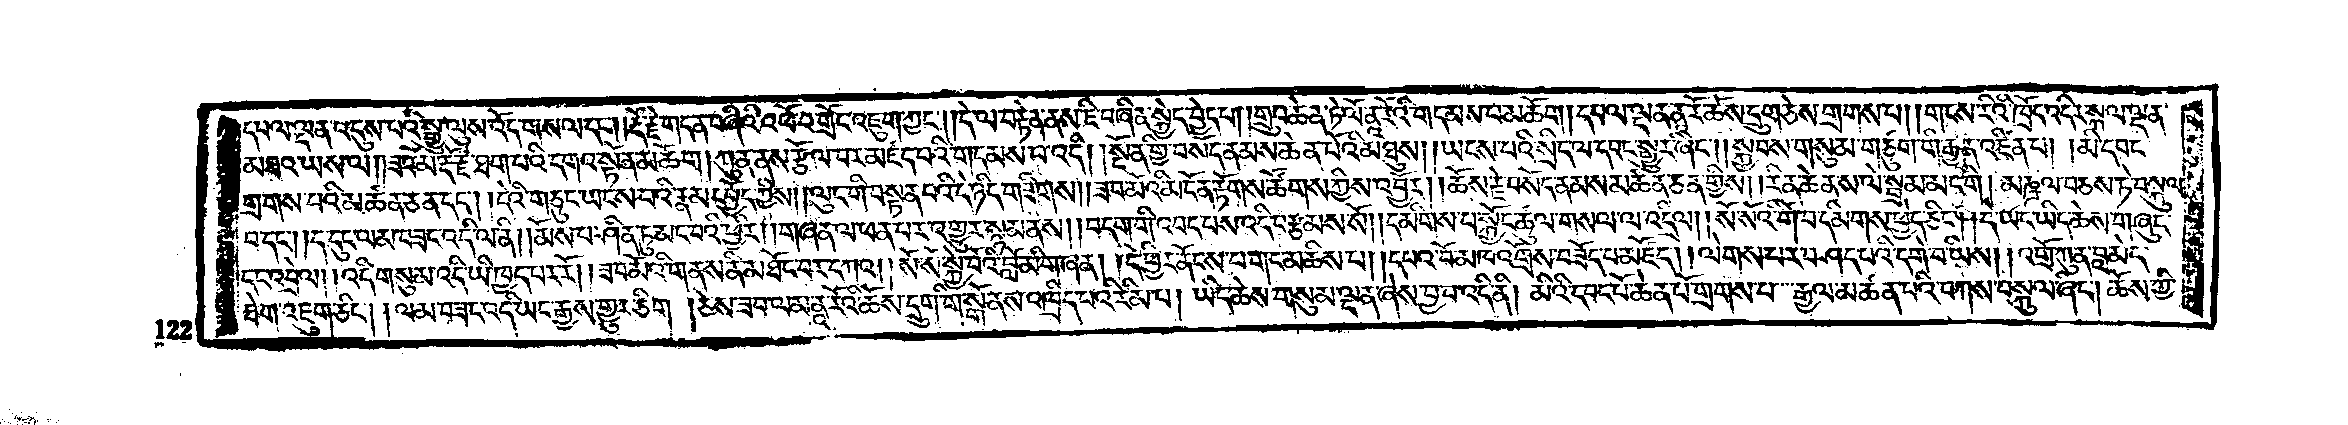དཔལ་ལྡན་འདུས་པའི་སྒྱུ་ལུས་འོད་གསལ་དང་། །རྡོ་རྗེ་གདན་བཞིའི་འཕོ་བ་གྲོང་འཇུག་ཀྱང་། །དེ་ལ་བརྟེན་ནས་ཇི་བཞིན་སྐྱེད་བྱེད་པ། །གྲུབ་ཆེན་ཏེ་ལོ་ནཱ་རོའི་གདམས་པ་མཆོག །དཔལ་ལྡན་ནཱ་རོ་ཆོས་དྲུག་ཅེས་གྲགས་པ། །གངས་རིའི་ཁྲོད་འདིར་སྐལ་ལྡན་
མཐའ་ཡས་ལ། །ཟབ་མོ་རྡོ་རྗེ་ཐེག་པའི་དགའ་སྟོན་མཆོག །ཀུན་ནས་རྩོལ་བར་མཛད་པའི་གདམས་པ་འདི། །སྔོན་གྱི་བསོད་ནམས་ཆེན་པོའི་མཐུས། །ཡངས་པའི་སྲིད་ལ་དབང་སྒྱུར་ཞིང་། །སྐྱབས་གསུམ་གཙུག་གི་རྒྱན་འཛིན་པ། །མི་དབང་
གྲགས་པའི་མཚན་ཅན་དང་། །དེའི་གཅུང་ཡངས་པའི་རྣམ་དཔྱོད་ཀྱིས། །ལུང་གི་བསྟན་པའི་དེ་ཉིད་གཟིགས། །ཟབ་མོའི་མངོན་རྟོགས་ཚོགས་ཀྱིས་འབྱོར། །ཆོས་རྗེ་བསོད་ནམས་མཚན་ཅན་གྱིས། །རིན་ཆེན་ས་ལེ་སྦྲམ་མང་གི། མཎྜལ་བཅས་ཏེ་བསྐུལ་
བ་དང་། །ད་དུང་ལམ་བཟང་འདི་ལ་ནི། །མོས་པ་ཤིན་ཏུ་མང་བའི་ཕྱིར། །གཞན་ལ་ཕན་པར་འགྱུར་སྙམ་ནས། །བདག་གི་འབད་པས་འདི་བརྩམས་སོ། །དམིགས་པ་སྐྱོང་ཚུལ་གསལ་ལ་འདྲིལ། །སོ་སོའི་གོ་བ་དམིགས་ཕྱེད་ཅིང་། །དེ་ཡང་ཡིད་ཆེས་གཞུང་
དང་འབྲེལ། །འདི་གསུམ་འདི་ཡི་ཁྱད་པར་རོ། །ཟབ་མོའི་གནས་ནི་མཐོང་བར་དཀའ། །སོ་སོ་སྐྱེ་བོའི་བློ་མིག་ཞན། །དེ་ཕྱིར་ནོངས་པ་གང་མཆིས་པ། །དཔའ་བོ་མཁའ་གྲོས་བཟོད་པ་མཛོད། །ལེགས་པར་བཤད་པའི་དགེ་བ་ཡིས། །འགྲོ་ཀུན་བླ་མེད་
ཐེག་འཇུག་ཅིང་། །ལམ་བཟང་འདི་ཡང་རྒྱས་གྱུར་ཅིག། །ཅེས་ཟབ་ལམ་ནཱ་རོའི་ཆོས་དྲུག་གི་སྒོ་ནས་འཁྲིད་པའི་རིམ་པ། ཡིད་ཆེས་གསུམ་ལྡན་ཞེས་བྱ་བ་འདི་ནི། མིའི་དབང་པོ་ཆེན་པོ་གྲགས་པ་རྒྱལ་མཚན་པའི་བཀས་བསྐུལ་ཞིང་། ཆོས་ཀྱི་